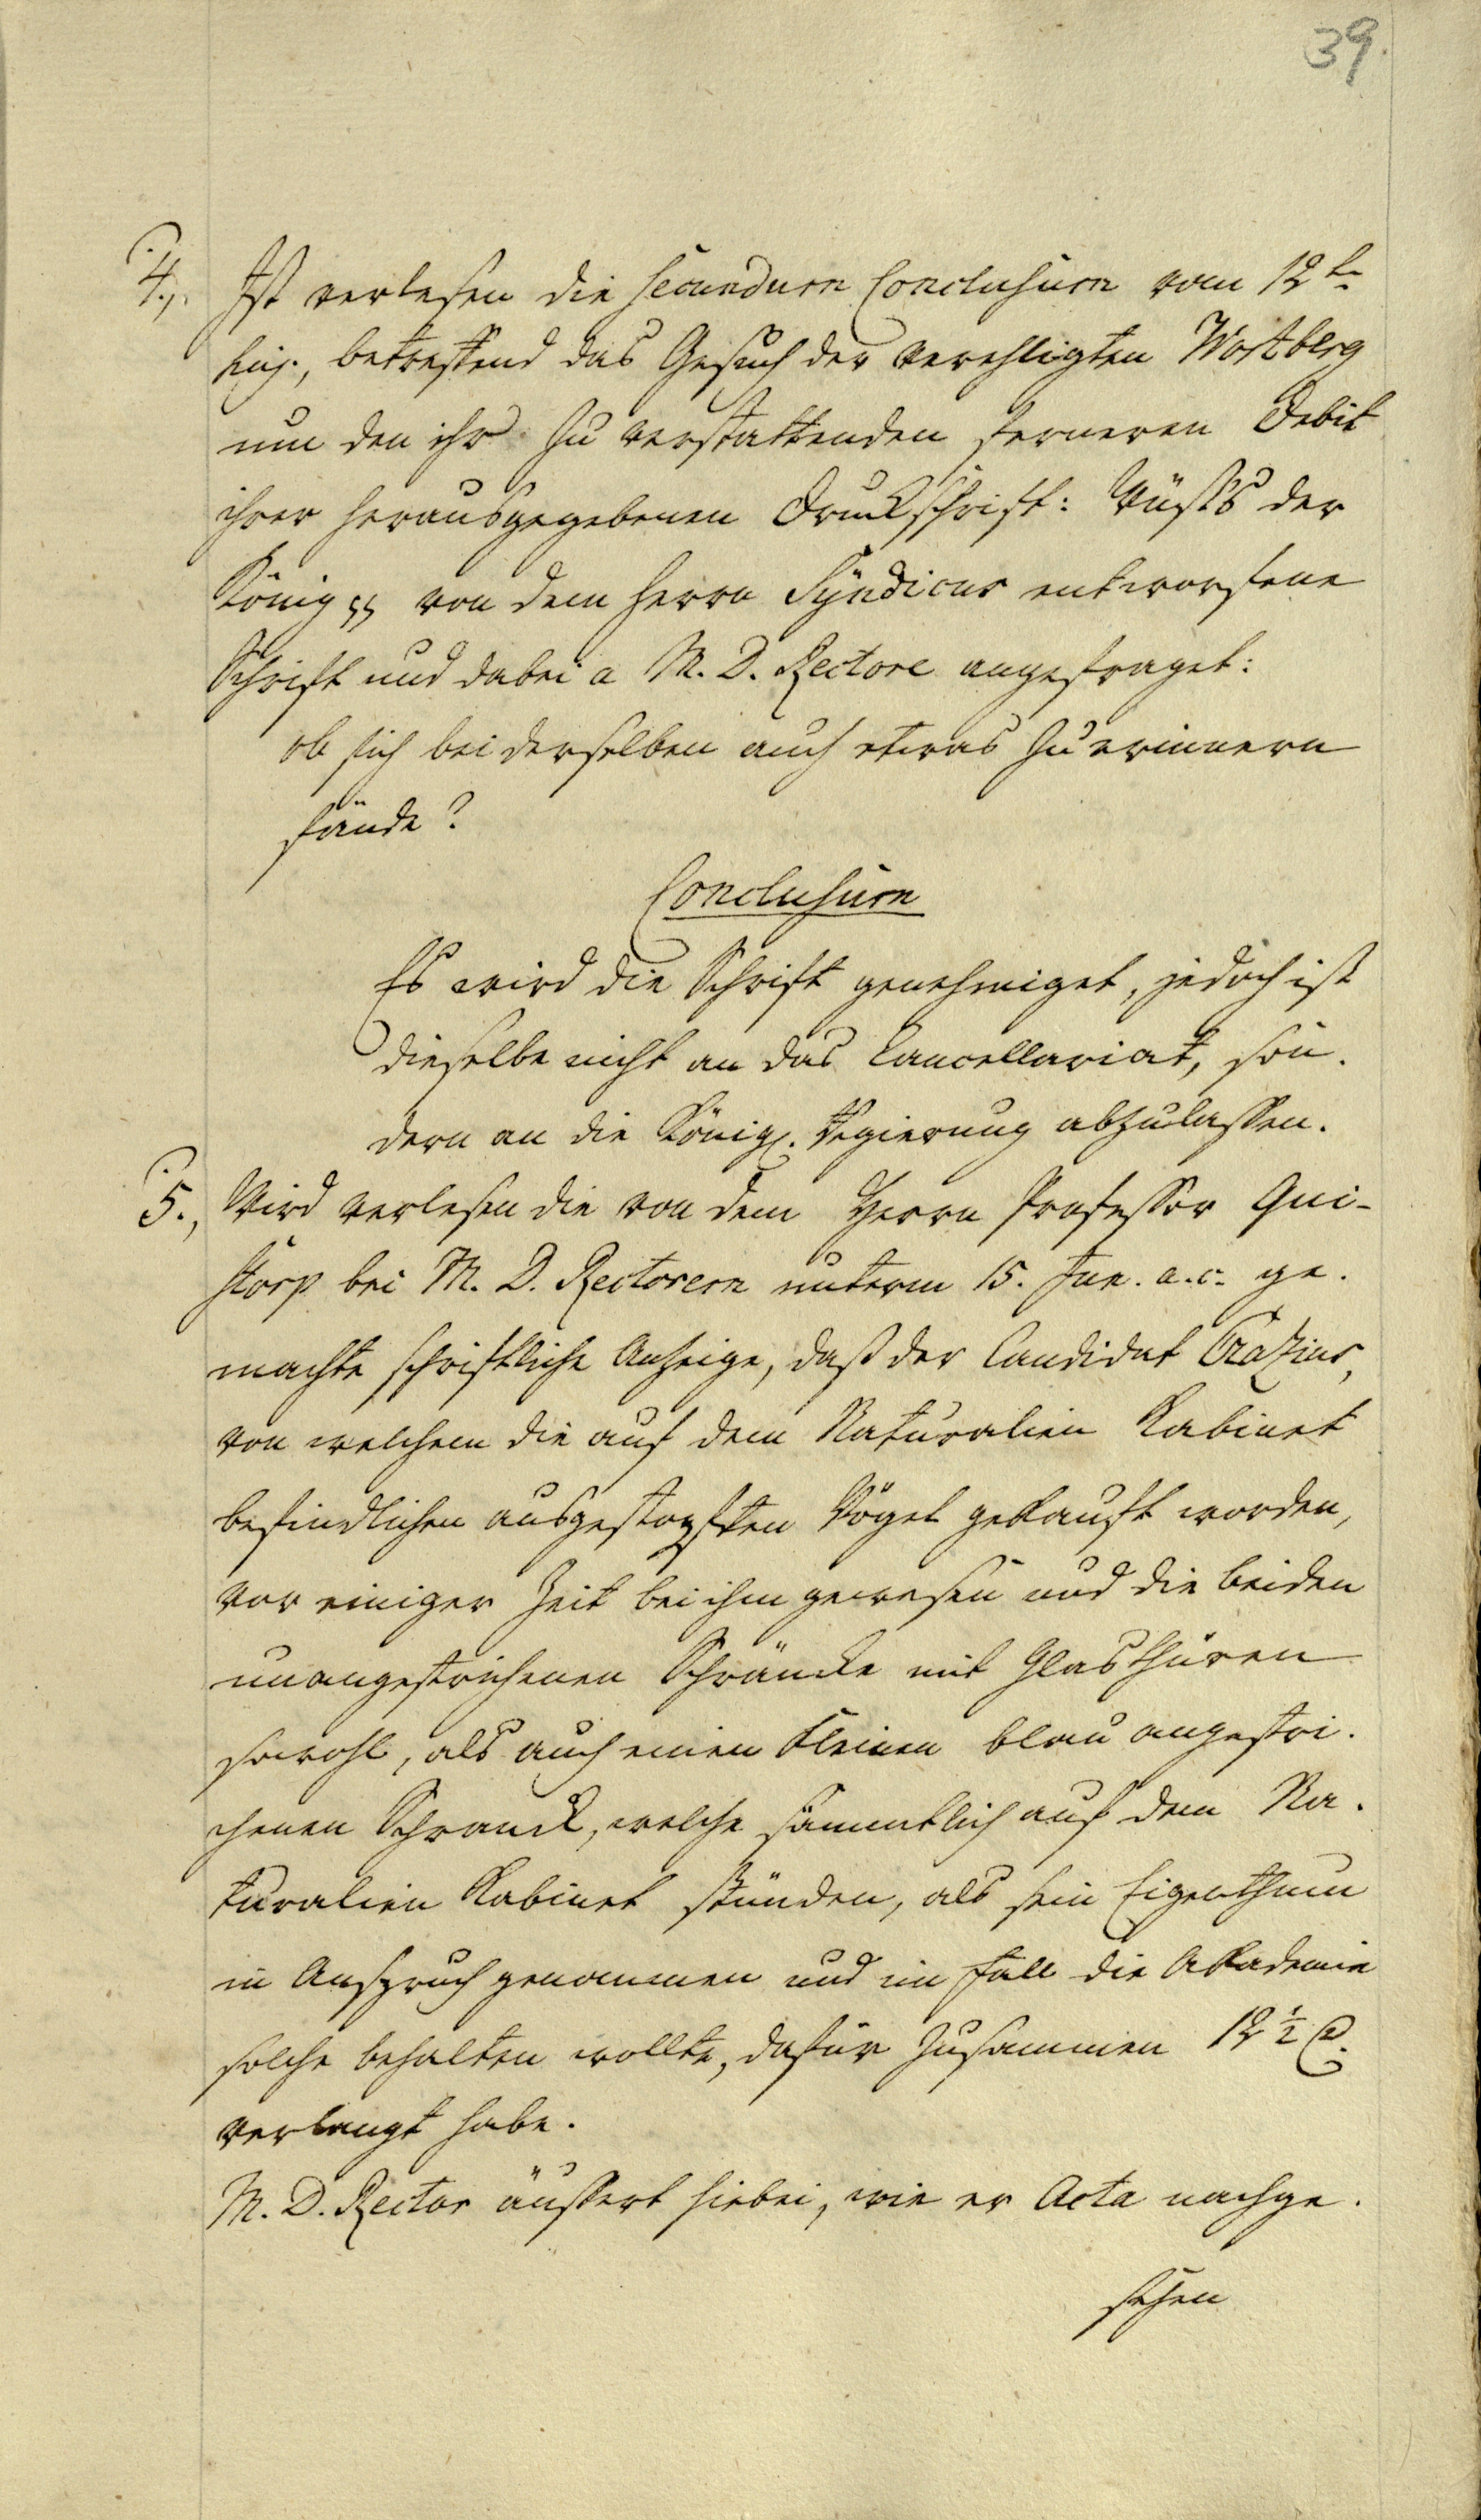4., Ist verlesen die secundum Conclusum vom 12 t.
huj., betreffend das Gesuch der verehligten Wortberg
um den ihr zu verstattenden ferneren Debit
ihrer herausgegebenen Druckschrift: Wüßts der
König , von dem Herrn Sÿndicus entworfene
Schrift und dabei a M. D. Rectore angefraget:
ob sich bei derselben auch etwas zu erinnern
fände?
Conclusum
Es wird die Schrift genehmiget, jedoch ist
dieselbe nicht an das Cancellariat, son¬
dern an die Königl. Regierung abzulassen.
5., Wird verlesen die von dem Herrn Professor Qui¬
storp bei M. D. Rectorem unterm 15. Jun. a. c. ge¬
machte schriftliche Anzeige, daß der Candidat Crazius,
von welchem die auf dem Naturalien Kabinet
befindlichen ausgestopften Vögel gekauft worden,
vor einiger Zeit bei ihm gewesen und die beiden
unangestrichenen Schräncke mit Glasthüren
sowohl, als auch einen kleinen blau angestri¬
chenen Schranck, welche sämmtlich auf dem Na¬
turalien Kabinet stünden, als sein Eigenthum
in Anspruch genommen und im Fall die Akademie
solche behalten wollte, dafür zusammen 12 ½ l.
verlangt habe.
M. D. Rector äussert hiebei, wie er Acta nachge¬
sehen